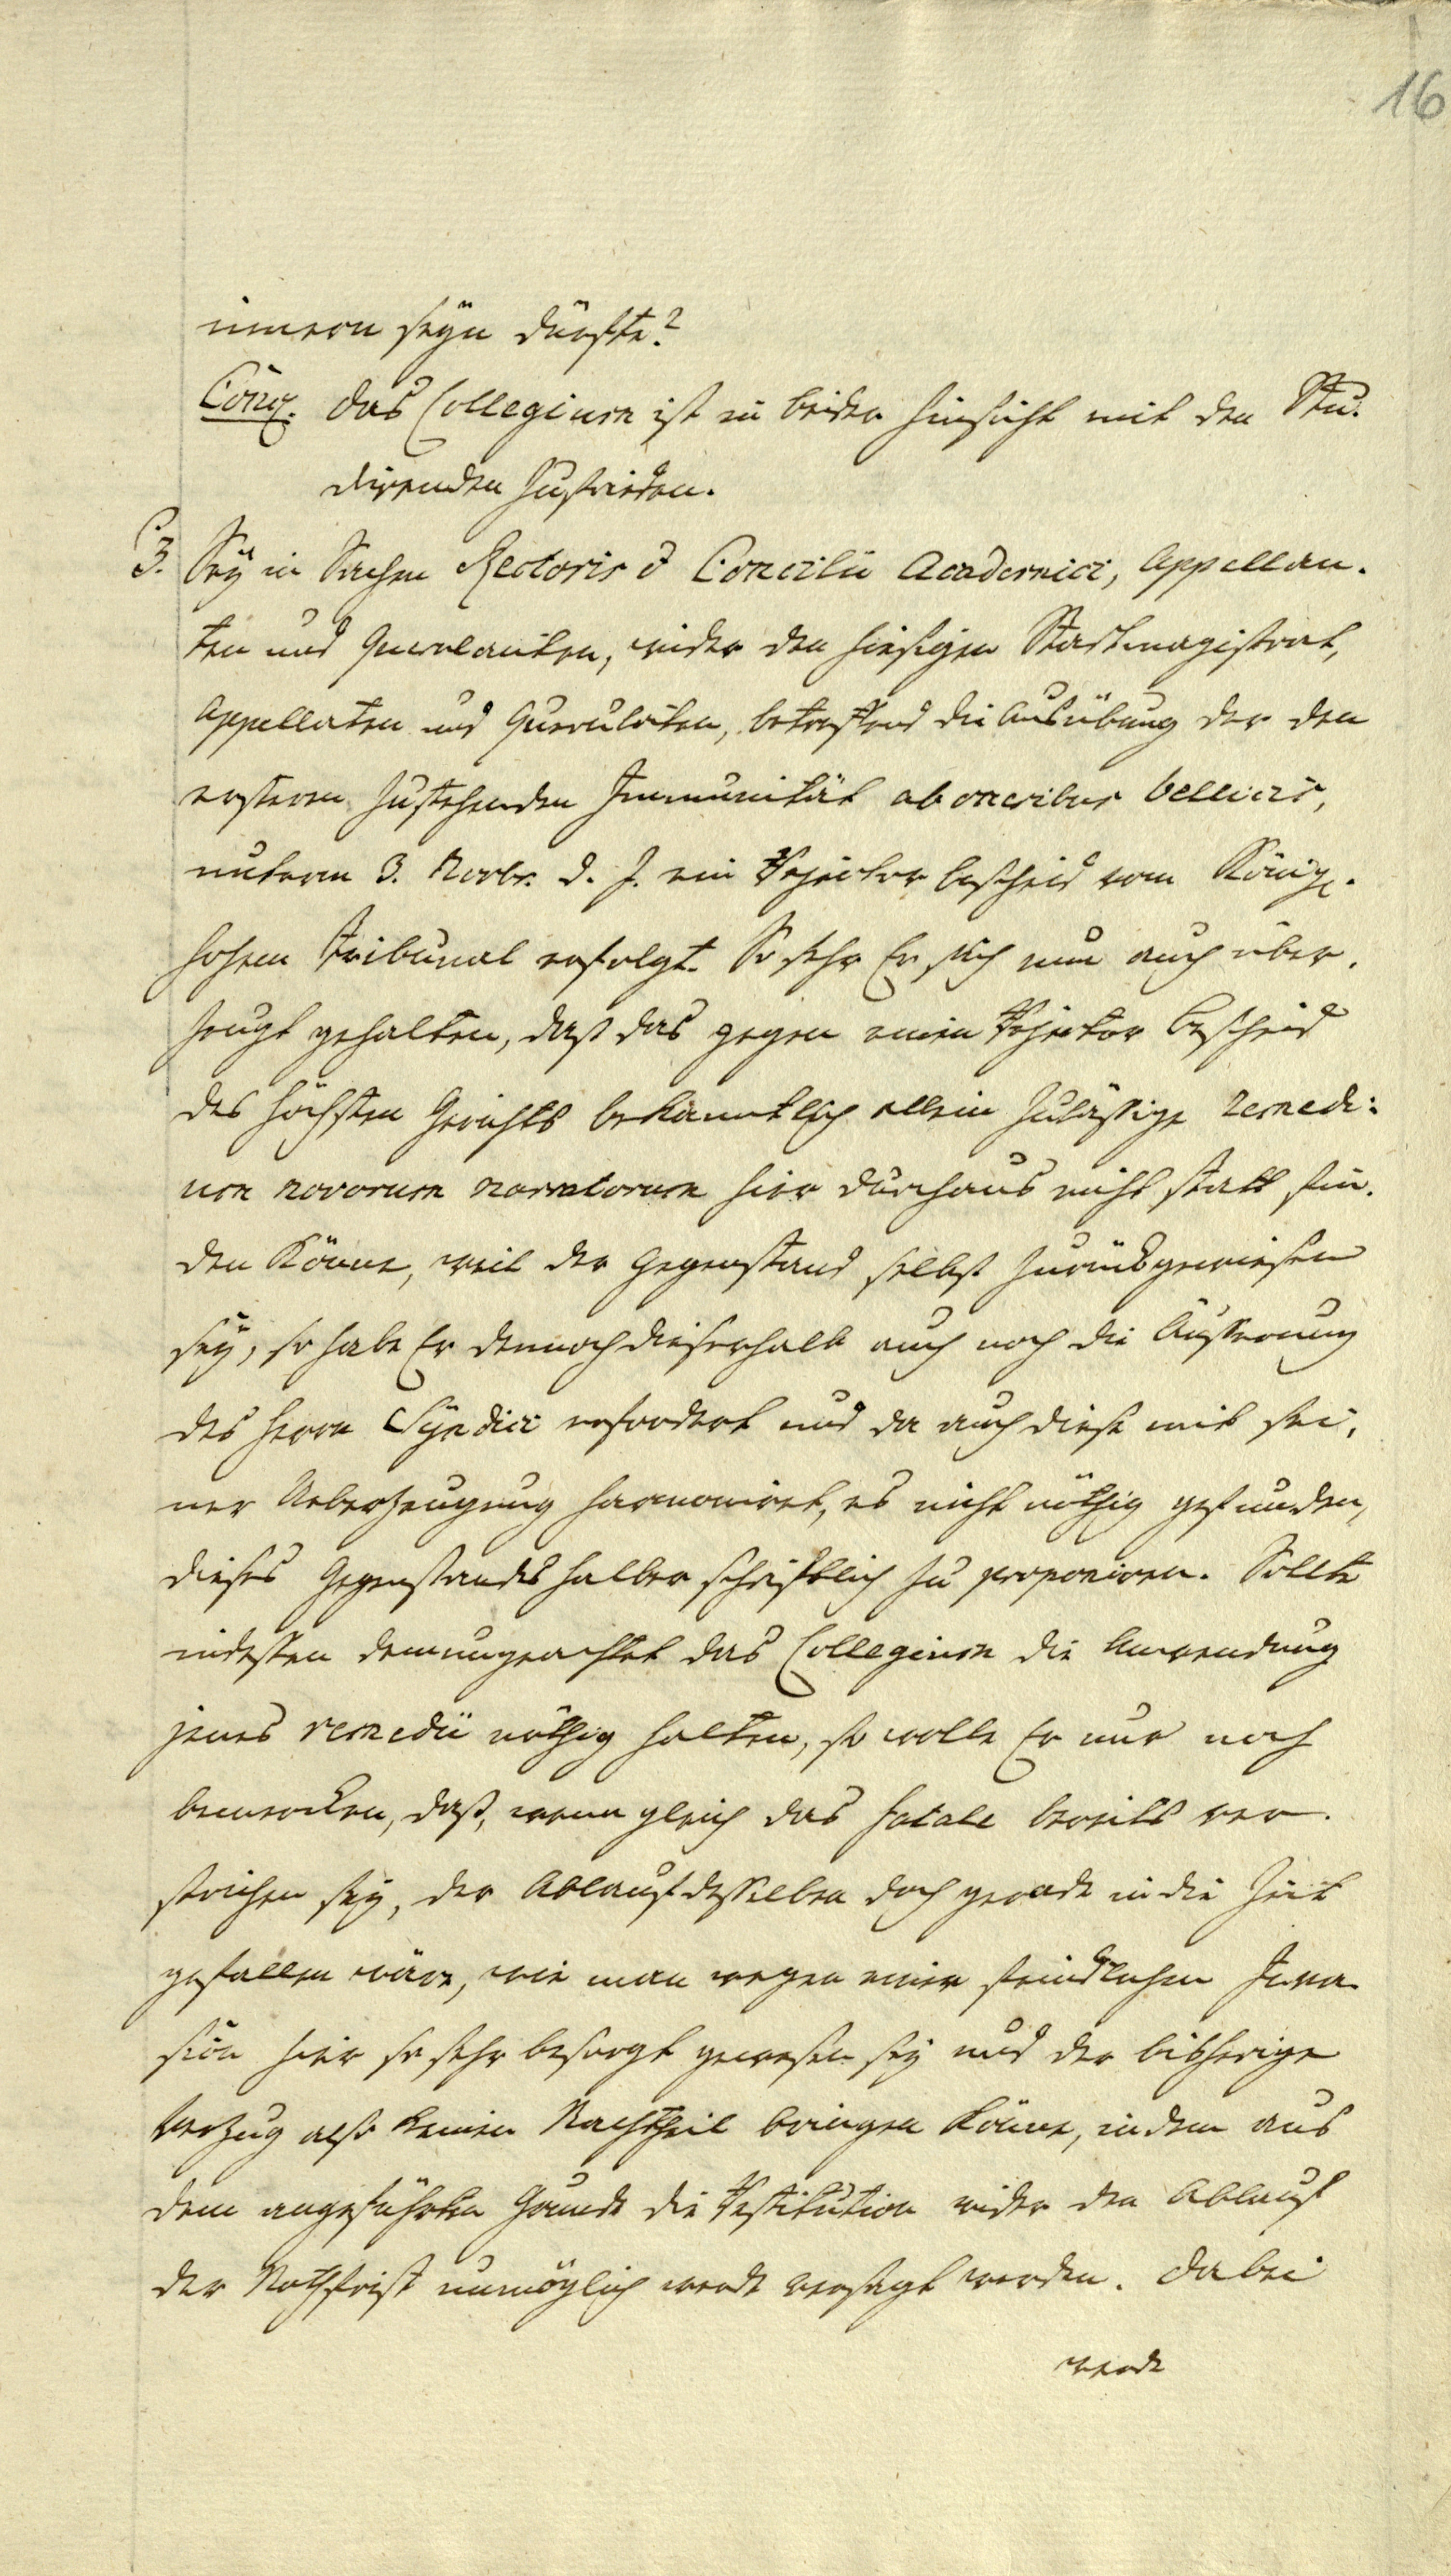innern seÿn dürfte?
Concl. Das Collegium ist in beider hinsicht mit den Stu¬
direnden zufrieden.
3. Seÿ in Sachen Rectoris et Concilii Academici, Appellan¬
ten und Querulanten, wider den hiesigen Stadtmagistrat,
Appellaten und Querulaten, betreffend die Ausübung der den
ersteren zustehenden Immunität ab oneribus bellicis
unterm 3. Novbr. d. J. ein Rejector Bescheid vom Königl
hohen Tribunal erfolgt. So sehr Er sich nun auch über¬
haupt gehalten, daß das gegen einen Rejector Bescheid
des höchsten Gerichts bekanntlich allein zulässige remedi¬
um novorum narratorum hier durchaus nicht statt fin¬
den könne, weil der Gegenstand selbst zurückgewiesen
seÿ, so habe Er dennoch dieserhalb auch noch die Äusserung
des herrn Sÿndici erfordert und da auch diese mit sei¬
ner Ueberzeugung harmoniret, es nicht nöthig gefunden,
dieses Gegenstandes halber schriftlich zu proponiren. Sollte
indessen demungeachtet das Collegium die Anwendung
jenes remedii nöthig halten, so wolle Er nur noch
bemercken, daß, wenn wenn gleich das fatale bereits ver¬
strichen seÿ, der Ablauf desselben doch gerade in die Zeit
gefallen wäre, wie man wegen einer feindlichen Inva¬
sion hier so sehr besorgt gewesen seÿ und der bisherige
Verzug also keinen Nachtheil bringen könne, indem aus
dem angeführten Grunde die Restitution wider den Ablauf
der Nothfrist unmöglich werde versagt werden. Dabei
werde